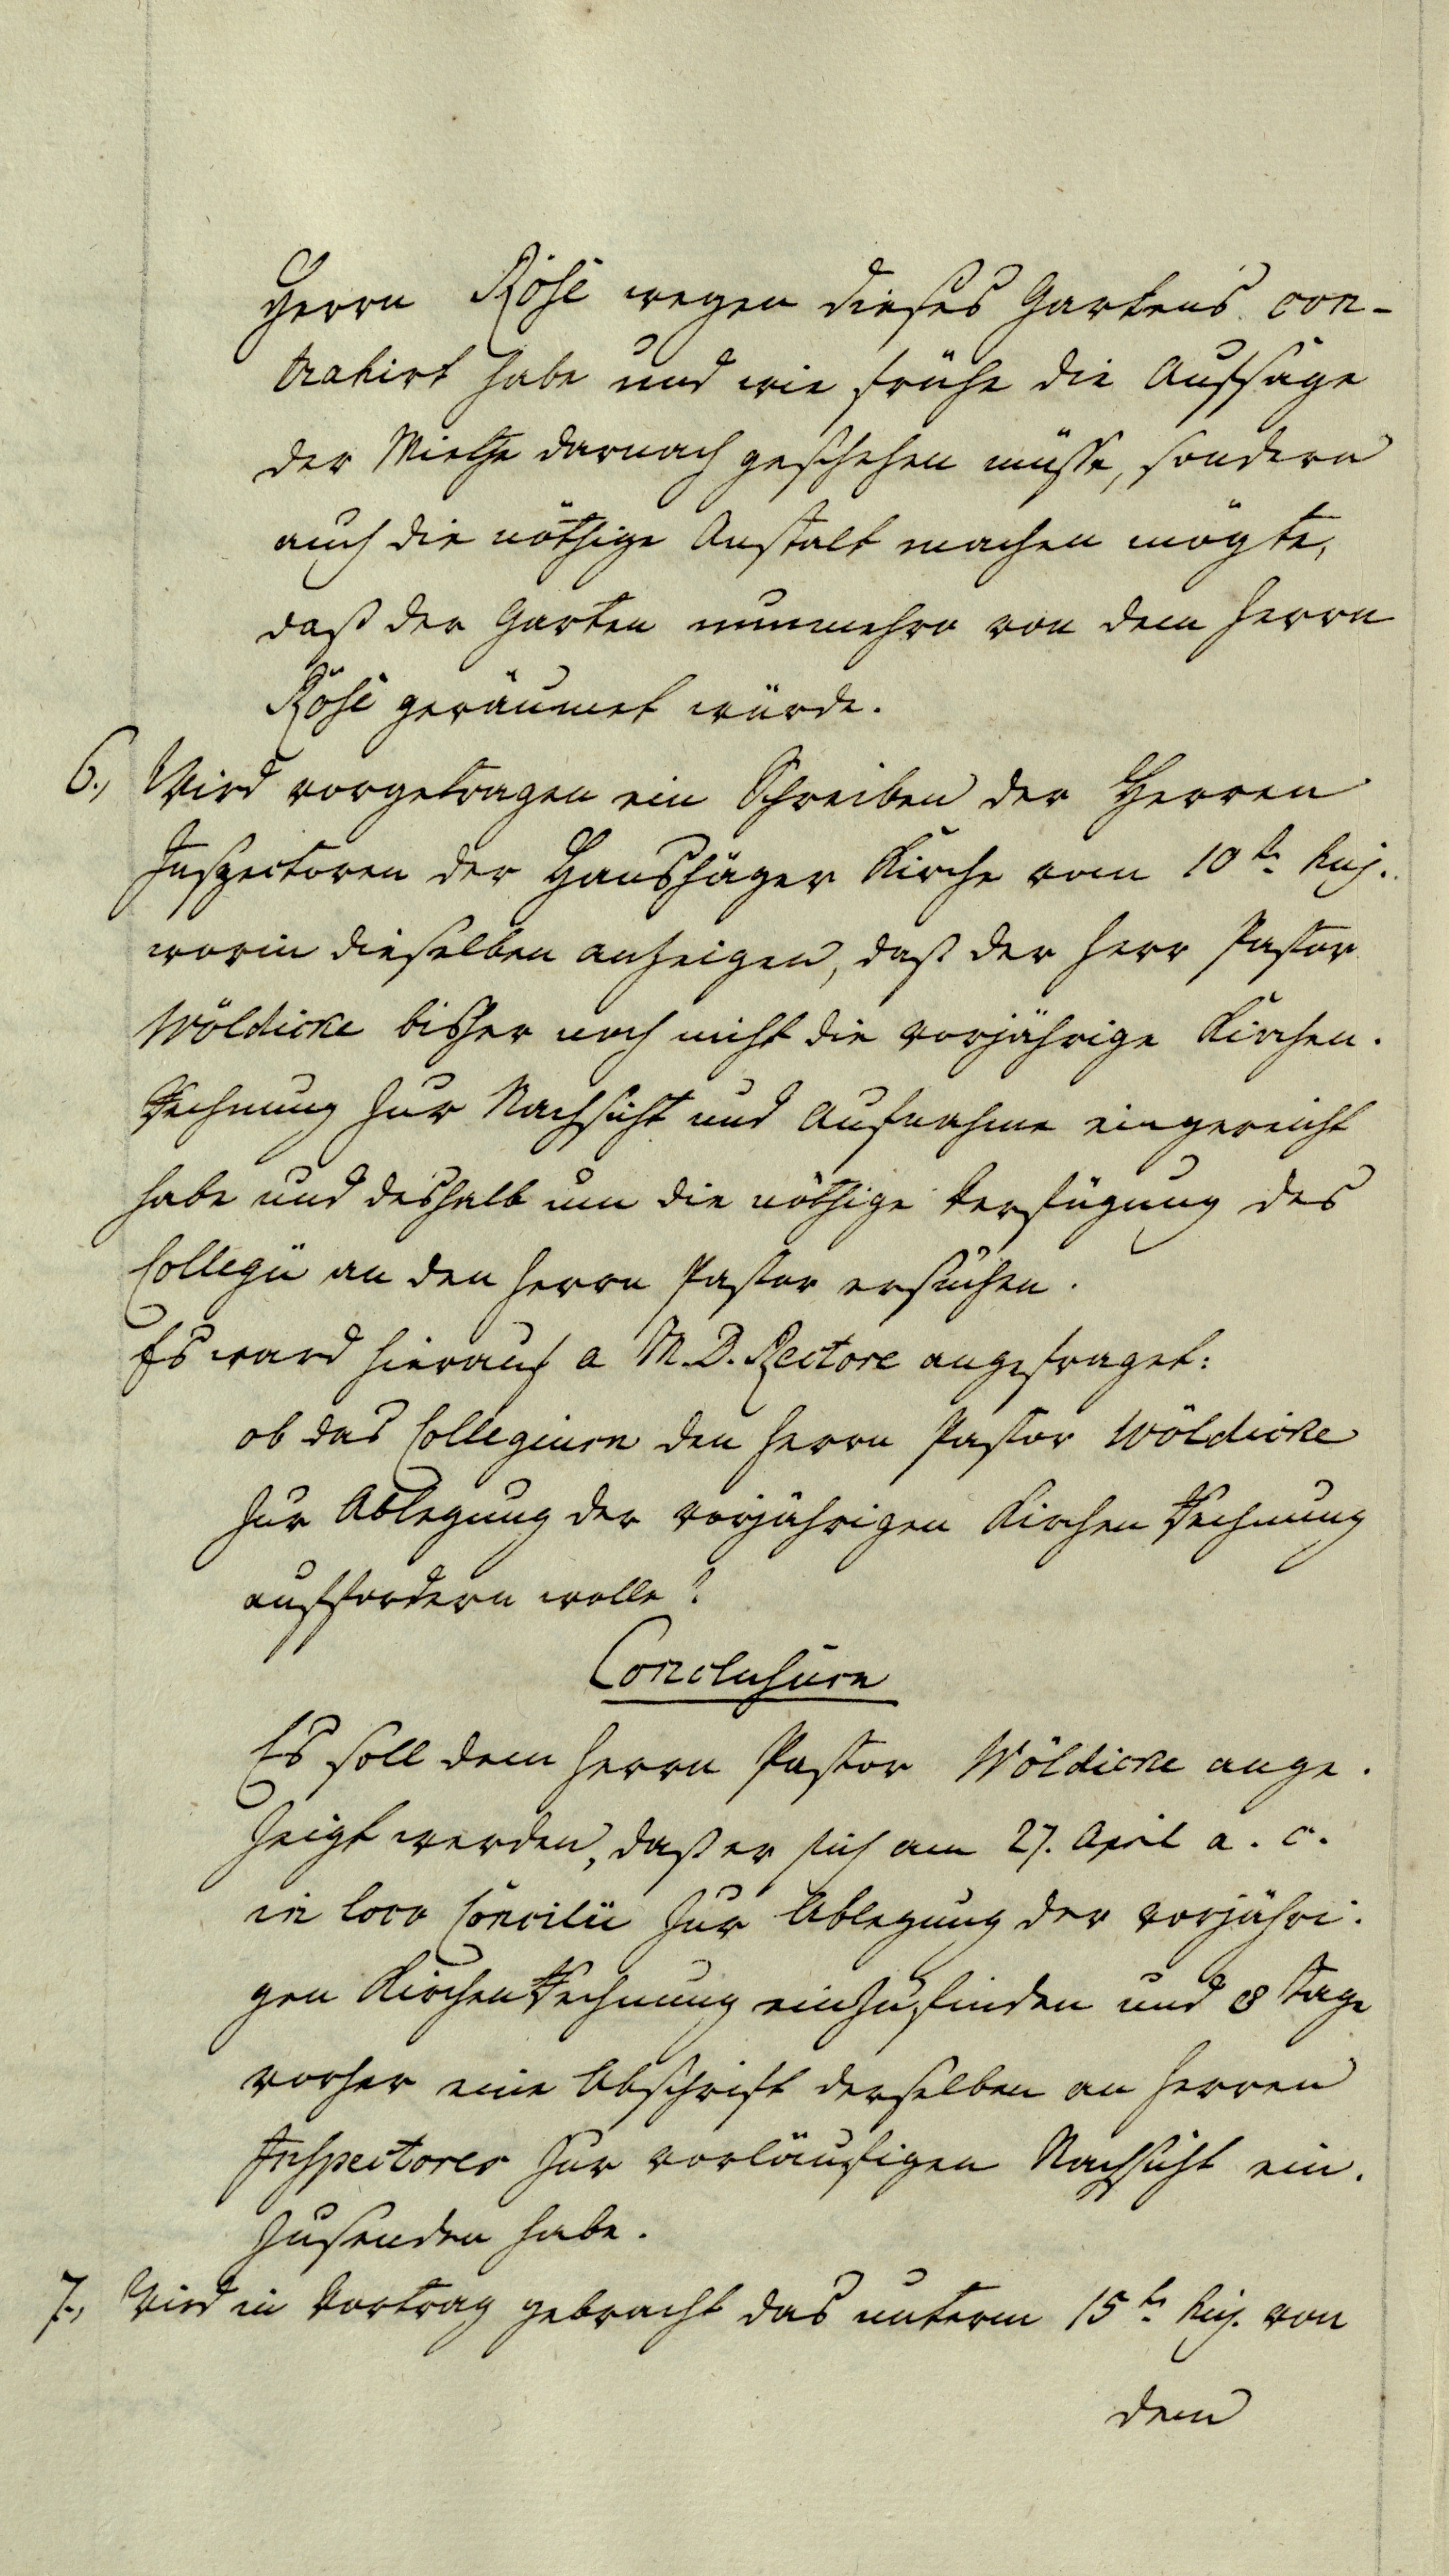Herrn Röse wegen dieses Gartens con¬
trahirt habe und wie frühe die Aufsage
der Miethe darnach geschehen müsse, sondern
auch die nöthige Anstalt machen mögte,
daß der Garten nunmehro von dem Herrn
Röse geräumet würde.
6., Wird vorgetragen ein Schreiben der Herren
Inspectoren der Hanshäger Kirche vom 10 t huj.
worin dieselben anzeigen, daß der Herr Pastor
Wöldicke bisher noch nicht die vorjährige Kirchen¬
Rechnung zur Nachsicht und Aufnahme eingereicht
habe und deshalb um die nöthige Verfügung des
Collegii an den Herrn Pastor ersuchen.
Es ward hierauf a M. D. Rectore angefraget:
ob das Collegium den Herrn Pastor Wöldicke
zur Ablegung der vorgjährigen Kirchen Rechnung
auffordern wolle?
Conclusum
Es soll dem Herrn Pastor Wöldicke ange¬
zeigt werden, daß er sich am 27. April a. c.
in loco Concilii zur Ablegung der vorjähri¬
gen KirchenRechnung einzufinden und 8 Tage
vorher eine Abschrift derselben an Herren
Inspectores zur vorläufigen Nachsicht ein¬
zusenden habe.
7., Wird in Vortrag gebracht das unterm 15 t. huj. von
dem